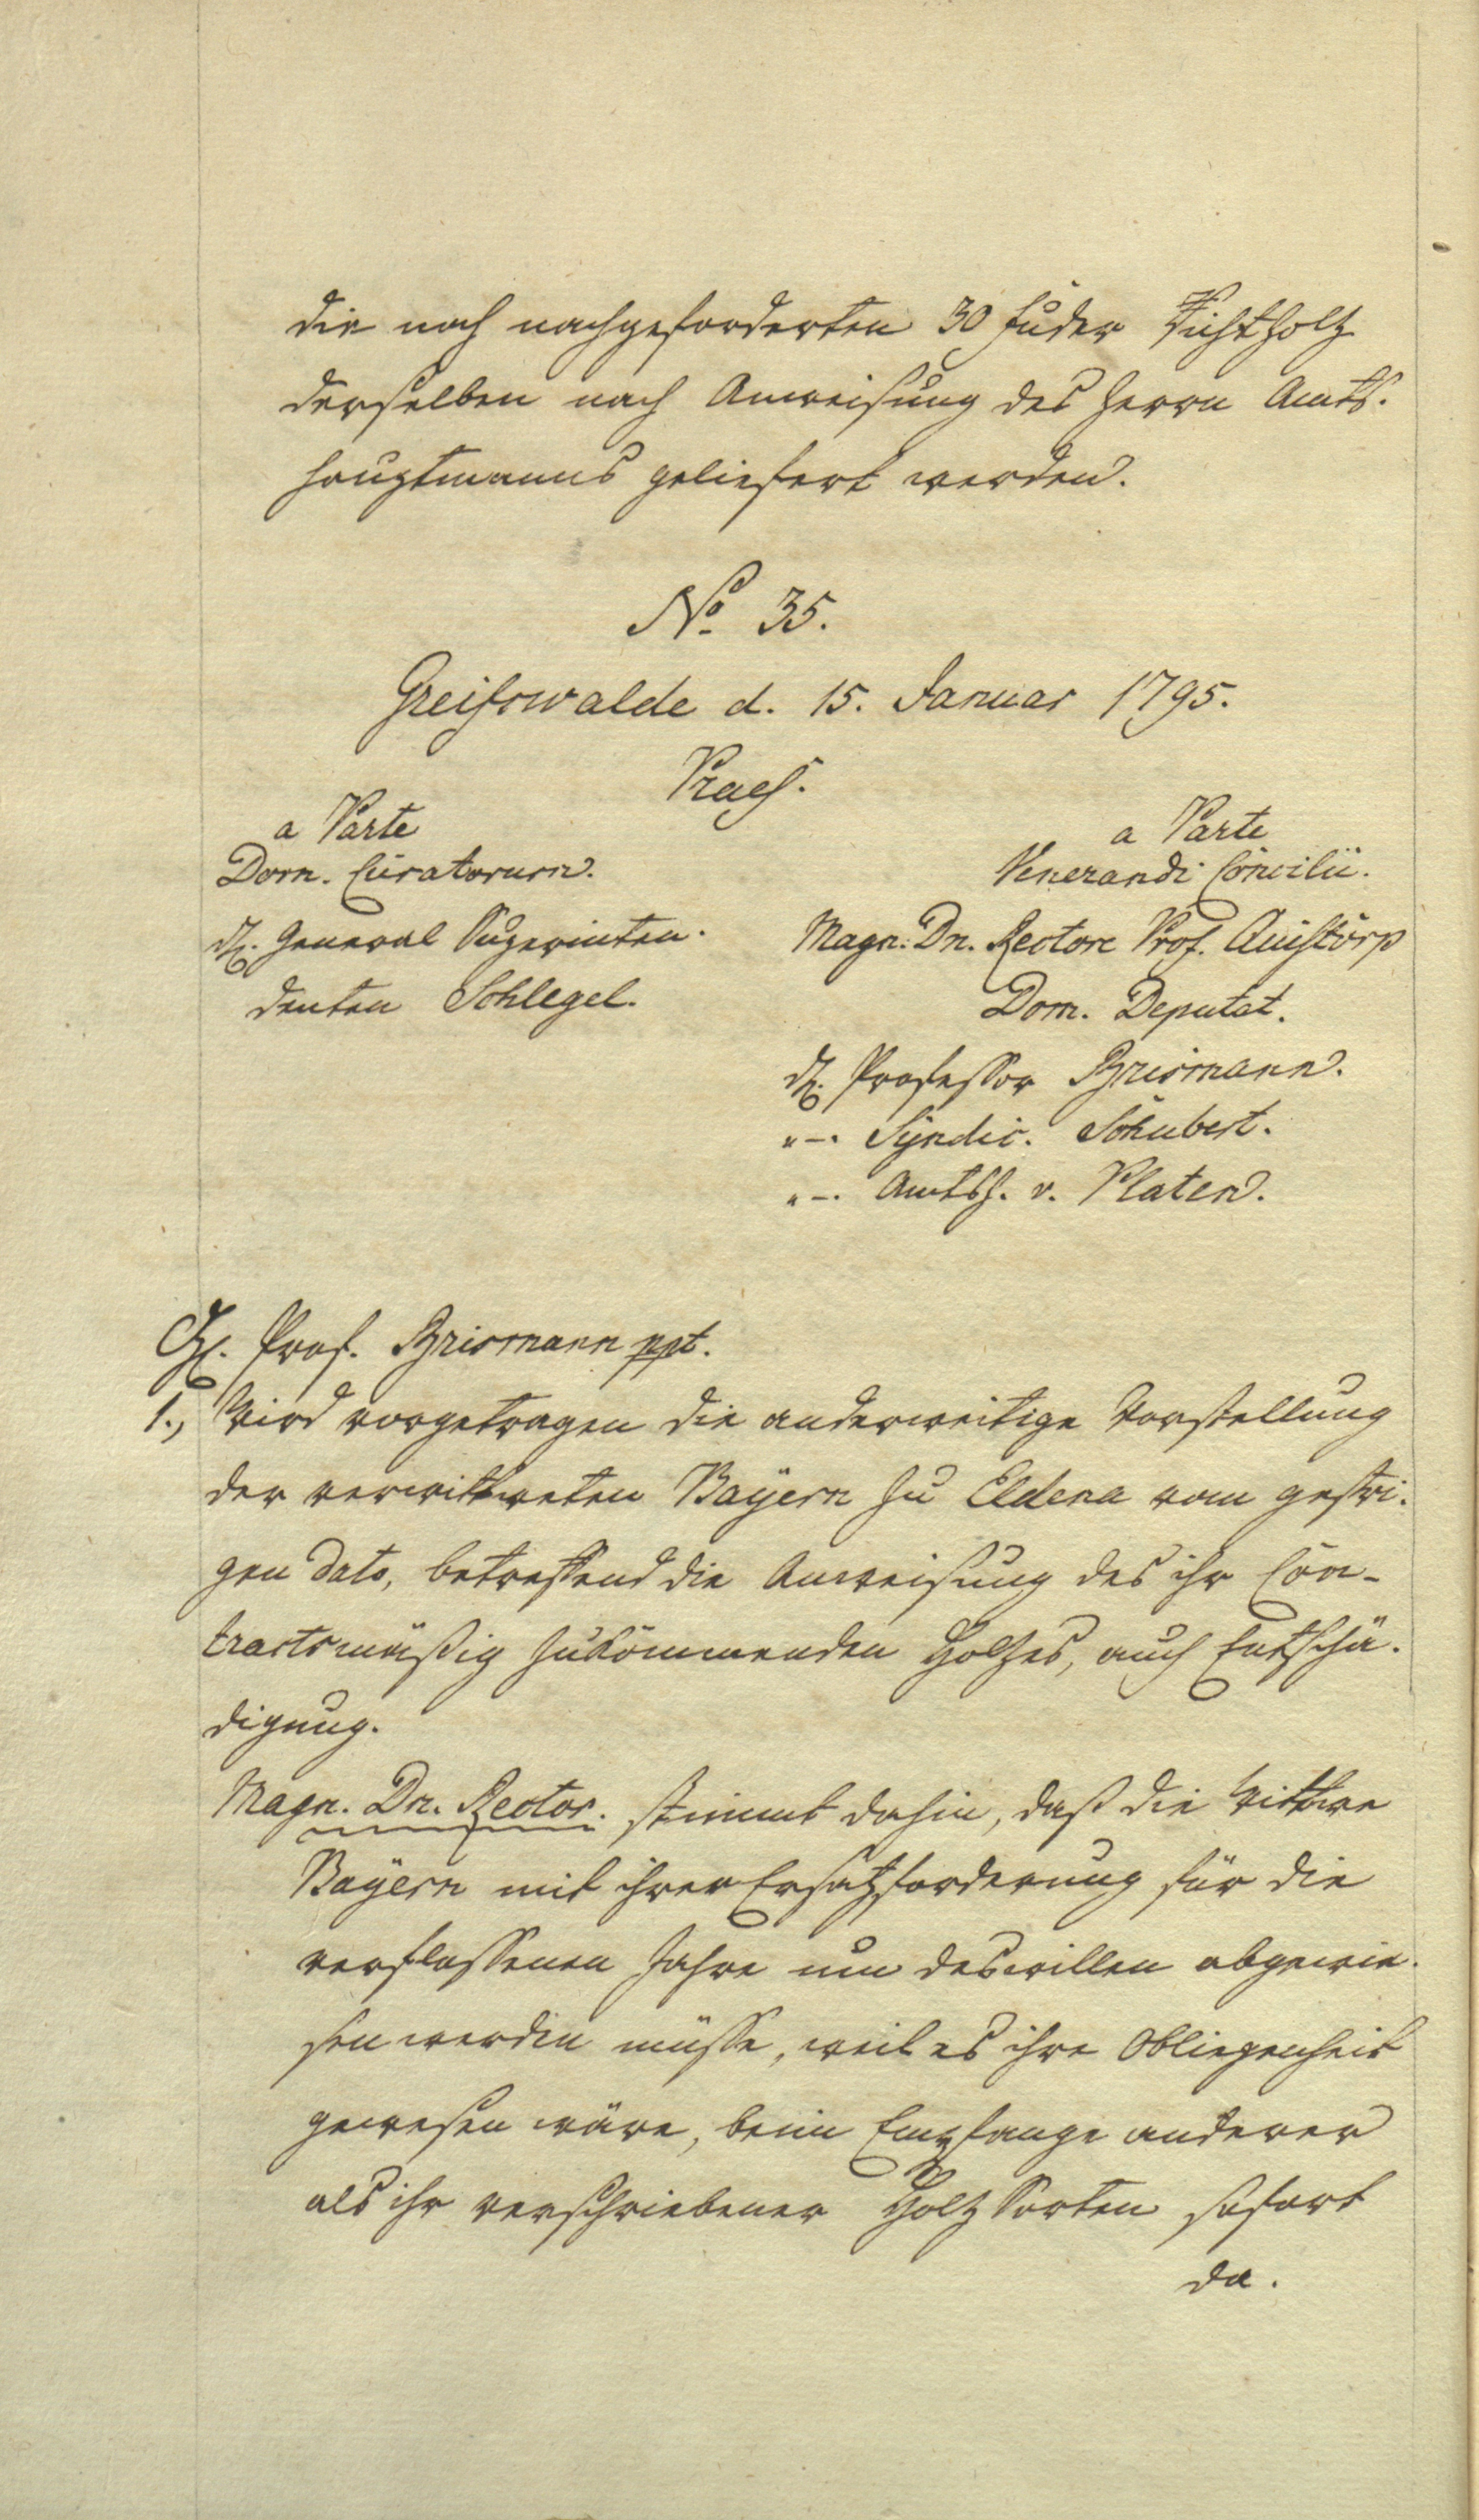die noch nachgeforderten 30 Fudder Richtholz
derselben nach Anweisung des Herrn Amts¬
hauptmanns geliefert werden.
No 35.
Greifswalde d. 15. Januar 1795.
Praes.
a Parte a Parte
Dom. Curatorum. Venerandi Concilii
dh. General Superinten¬ Magn. Dn. Rector Prof. Quistorp
denten Schlegel. Dom. Deputat.
dh. Professor Brismann.
Sÿndic. Schubert.
Amtsh. v. Platen.
dh. Prof. Brismann ppt.
1., Wird vorgetragen die anderweitige Vorstellung
der verwittweten Baÿern zu Eldena vom gestri¬
gen dato, betreffend die Anweisung des ihr Con¬
tractsmäßig zukommenden Holzes, auch Entschä¬
digung.
Magn. Dn. Rector. stimmt dahin, daß die Wittwe
Baÿern mit ihrer Ersatzforderung für die
verflossenen Jahre um deswillen abgewie¬
sen werden müsse, weil es ihre Obliegenheit
gewesen wäre, beim Empfang anderer
als ihr verschriebener Holz Sorten sofort
da¬